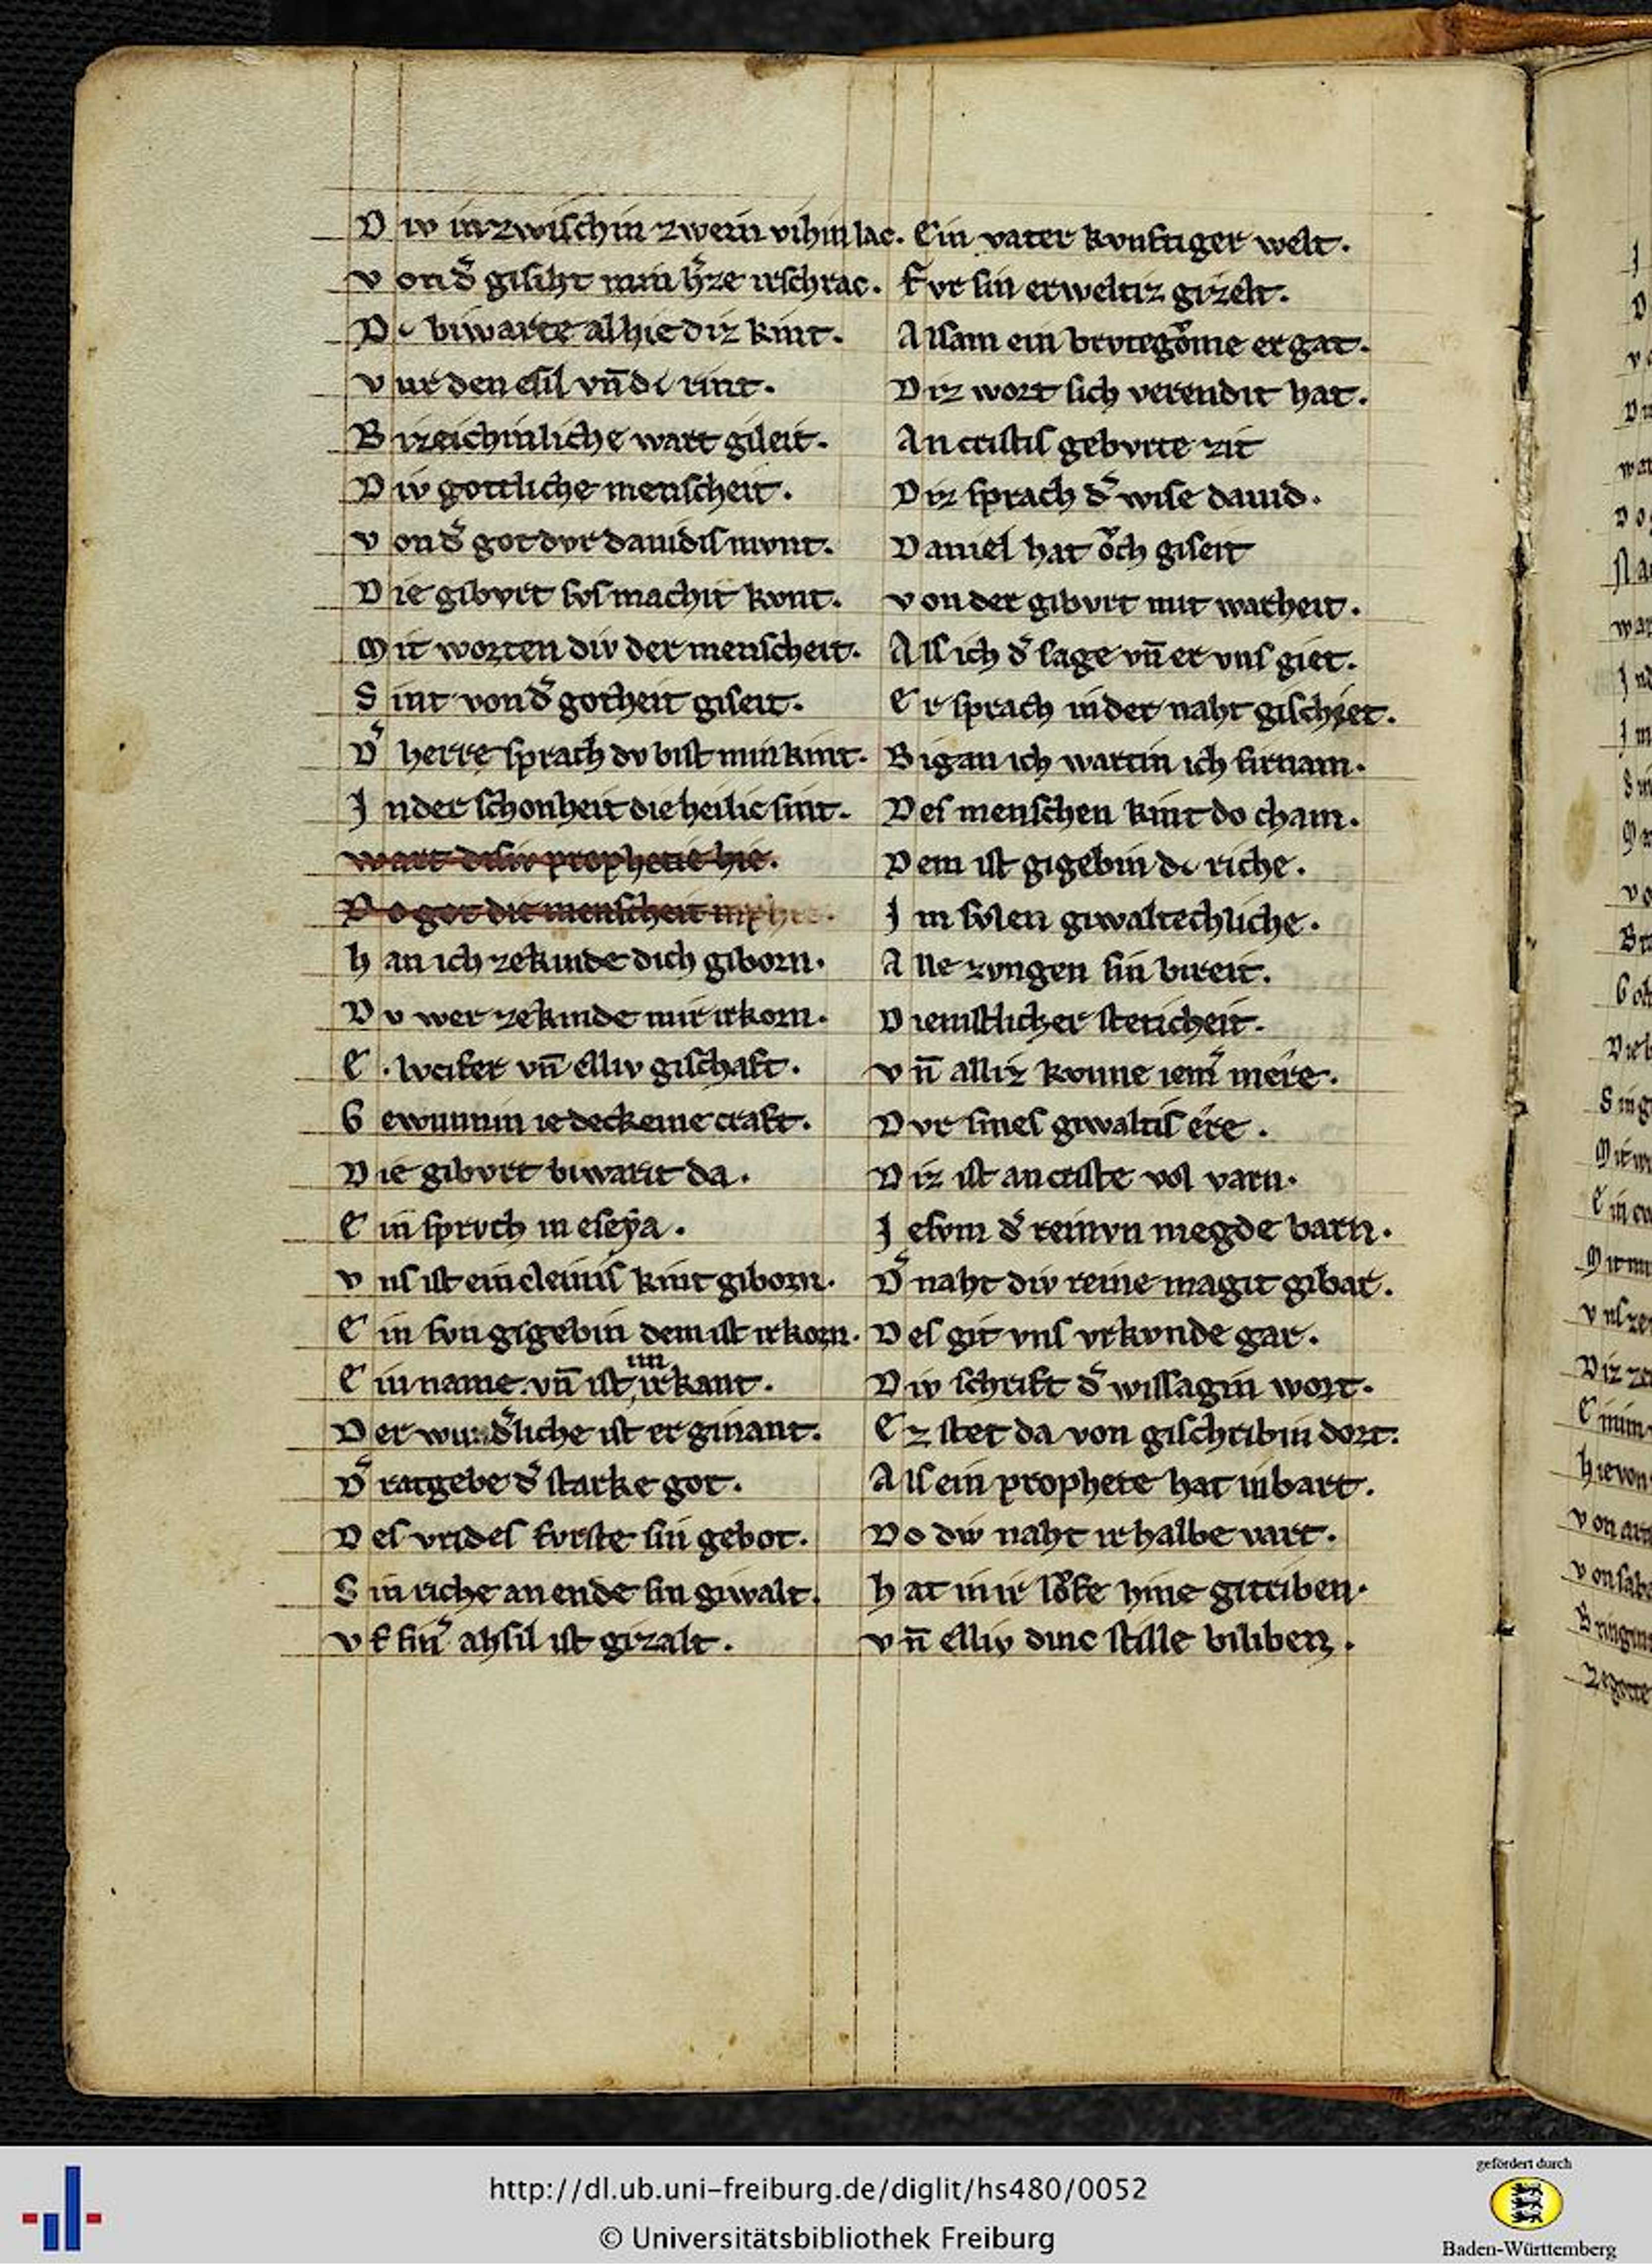Div inzwiſchin zwein vihin lac.
Von d(er) giſiht min h(er)ze irſchrac.
D(az) biwarte alhie diz kint.
Vur den eſil vn(d) d(az) rint.
Bizeichinliche wart gileit.
Div gottliche menſcheit.
Von d(er) got dvr dauidiſ mvnt.
Die gibvrt ſvſ machit kvnt.
Mit worten div der menſcheit.
Sint von d(er) gotheit giſeit.
D(er) herre ſprach dv biſt min kint.
Inder ſchonheit die heilic ſint.
Wart diſiv prophetie hie.
Do got die menſcheit inphxx.
Han ich zekinde dich giborn.
Dv wer zekinde mir irkorn.
E. lvcifer vn(d) elliv giſchaft.
Gewunnin ie deckeine craft.
Die gibvrt biwarit da.
Ein ſprvch in eſeya.
Vnſ iſt ein cleinſ kint giborn.
Ein ſvn gigebin dem iſt irkorn.
Ein name. vn(d) iſt °(im) irkant.
Der wund(er)liche iſt er ginant.
D(er) ratgebe d(er) ſtarke got.
Deſ vrideſ fvrſte ſin gebot.
Sin riche an ende ſin giwalt.
Vf ſin(er) ahſil iſt gizalt.
Ein vater kvnftiger welt.
Fvr ſin erweltiz gizelt.
Alſam ein brutego°vme er gat.
Diz wort ſich verendit hat.
An crivtiſ gebvrte zit
Diz ſprach d(er) wiſe dauid.
Daniel hat o°vch geſeit
Von der gibvrt mit warheit.
Alſ ich d(er) ſage vn(d) er vnſ giet.
Er ſprach in der naht giſchiet.
Bigan ich wartin ich firnam.
Deſ menſchen kint do cham.
Dem iſt gigebin d(az) riche.
Im ſvlen giwaltechliche.
Alle zvngen ſin bireit.
Dienſtlicher ſteticheit.
Vn(d) alliz kvnne iem(er) mere.
Dvr ſineſ giwaltiſ ere.
Diz iſt an criſte vol varn.
Ieſvm d(er) reinvn magde barn.
D(er) naht div reine magit gibar.
Deſ git vnſ vrkvnde gar.
Div ſchrift d(er) wiſſagin wort.
Ez ſtet da von giſchribin dort.
Alſ ein prophete hat inbart.
Do div naht ir halbe vart.
Hat in ir lo°vfe hine gitriben.
Vn(d) elliv dinc ſtille biliben.